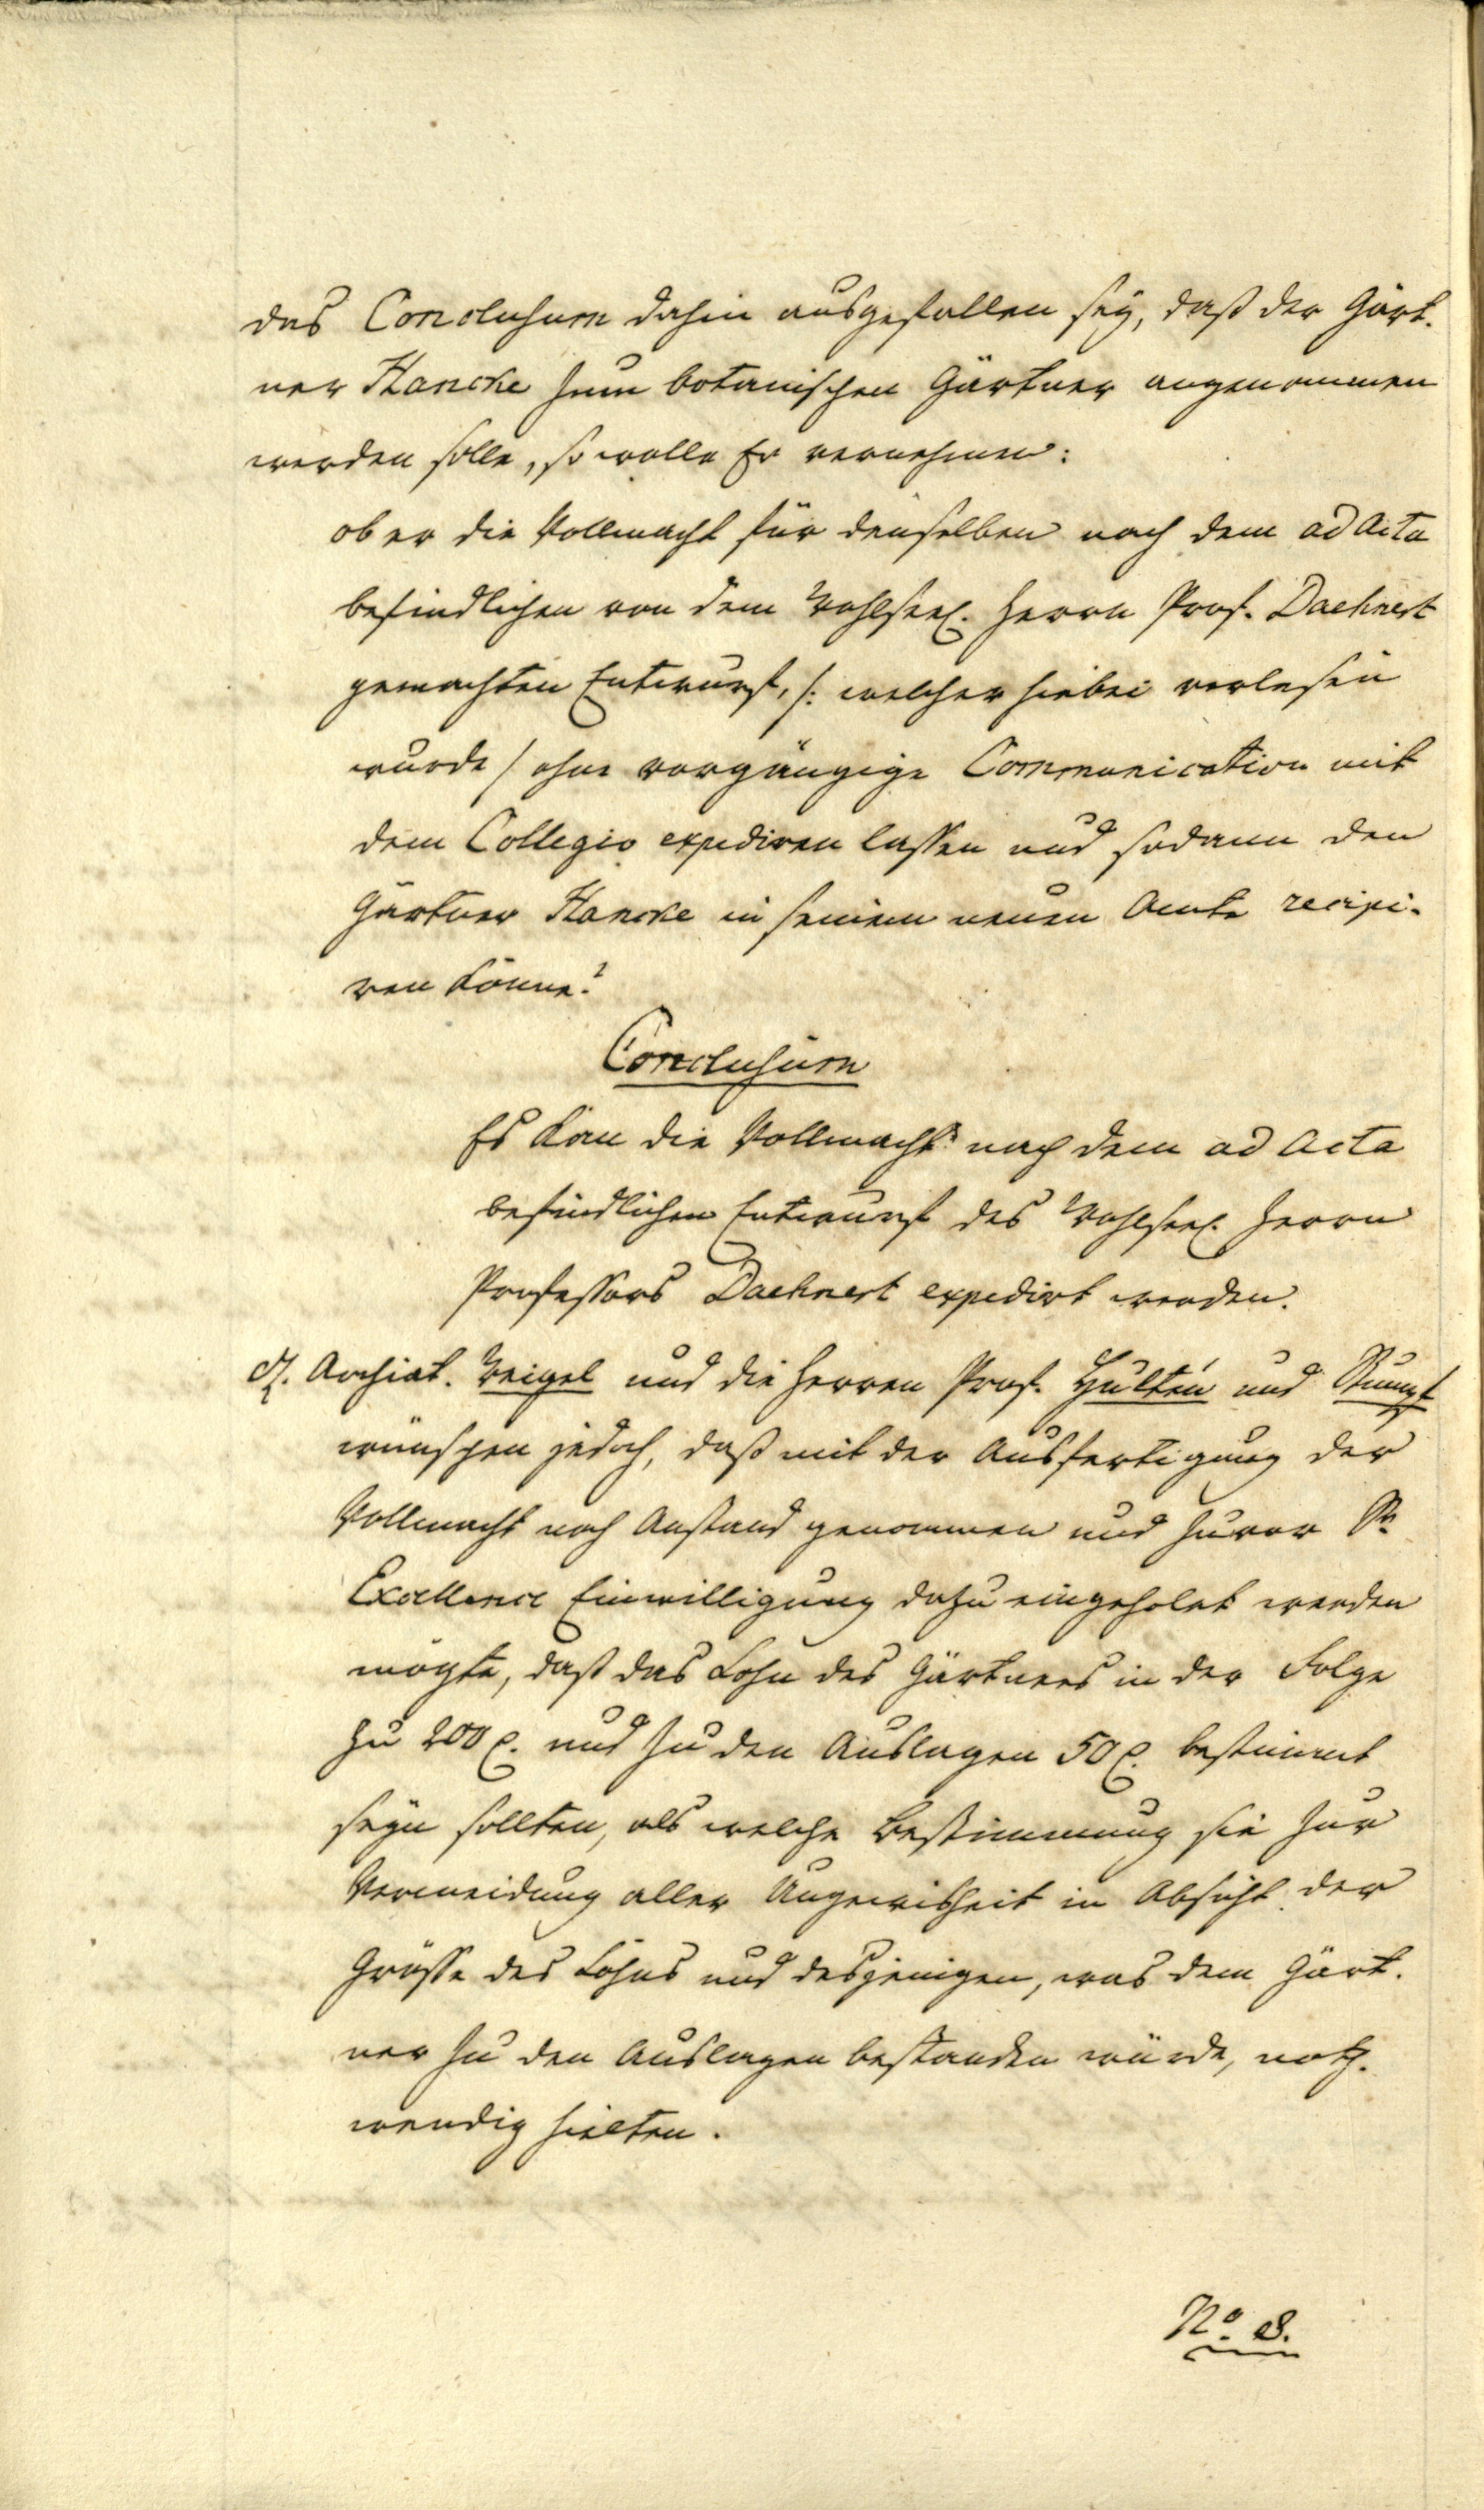das Conclusum dahin ausgefallen seÿ, daß der Gärt¬
ner Hancke zum botanischen Gärtner angenommen
werden solle, so wolle Er vernehmen:
ob er die Vollmacht für denselben nach dem ad Acta
befindlichen von dem Wohlseel. Herrn Prof. Daehnert
gemachten Entwurf, /: welcher hiebei verlesen
wurde / ohne vorgängige Communication mit
dem Collegio expediren lassen und sodann den
Gärtner Hancke in seinem neuen Amte racipi¬
ren könne.
Conclusum
Es kan die Vollmacht nach dem ad Acta
befindlichen Entwurf des Wohlseel. Herrn
Professors Daehnert expedirt werden.
dh. Archiat. Weigel und die Herren Prof. Hultén und Stumpf
wünschen jedoch, daß mit der Ausfertigung der
Vollmacht noch Anstand genommen und zuvor Sr.
Excellence Einwilligung dazu eingeholet werden
mögte, daß das Lohn des Gärtnens in der Folge
zu 200 l. und zu den Auslagen 50 l. bestimmt
seÿn sollten, als welche Bestimmung sie zur
Vermeidung aller Ungewisheit in Absicht der
Grösse des Lohns und desjenigen, was dem Gärt¬
ner zu den Auslagen bestanden würde, noth¬
wendig hielten.
No 8 .